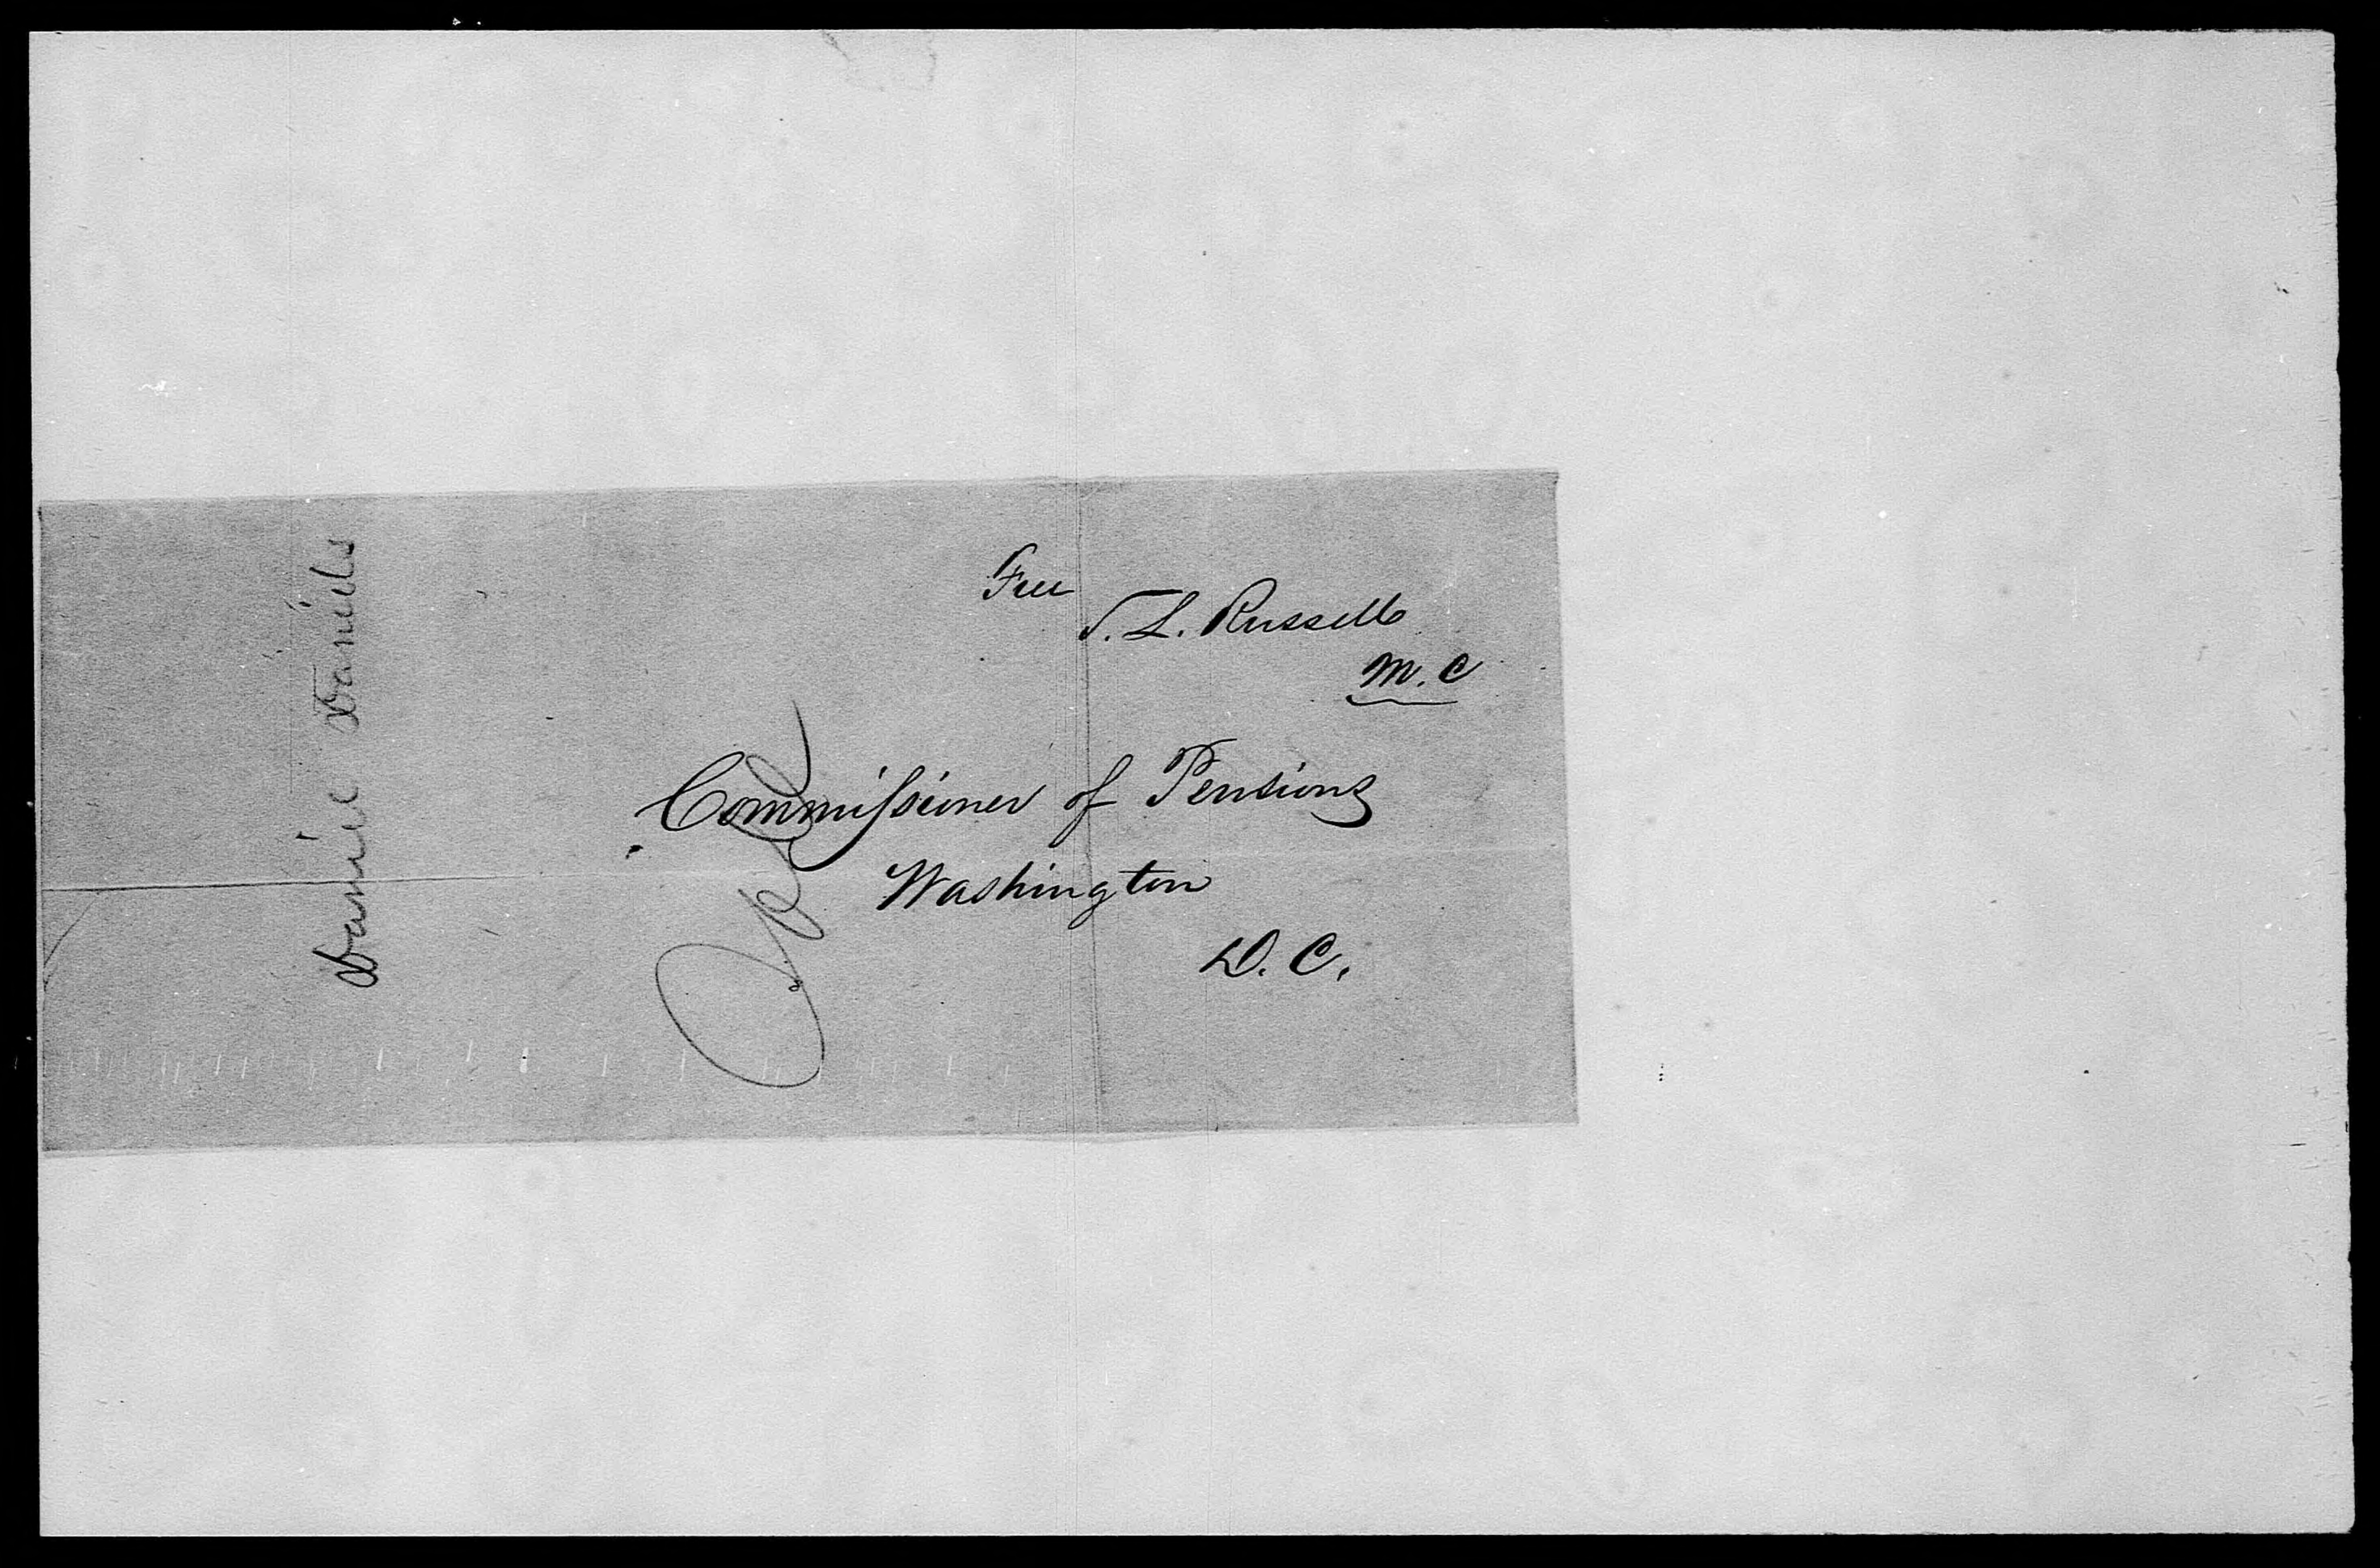Free
S. L. Russell
M. C
Commissioner of Pensions
Washington
D. C.

[vertical note]
Daniel Daniels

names: Daniel Daniels, S L Russell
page: 15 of 35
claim: rejected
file: R. 2,650, Daniel Daniels, Penn.